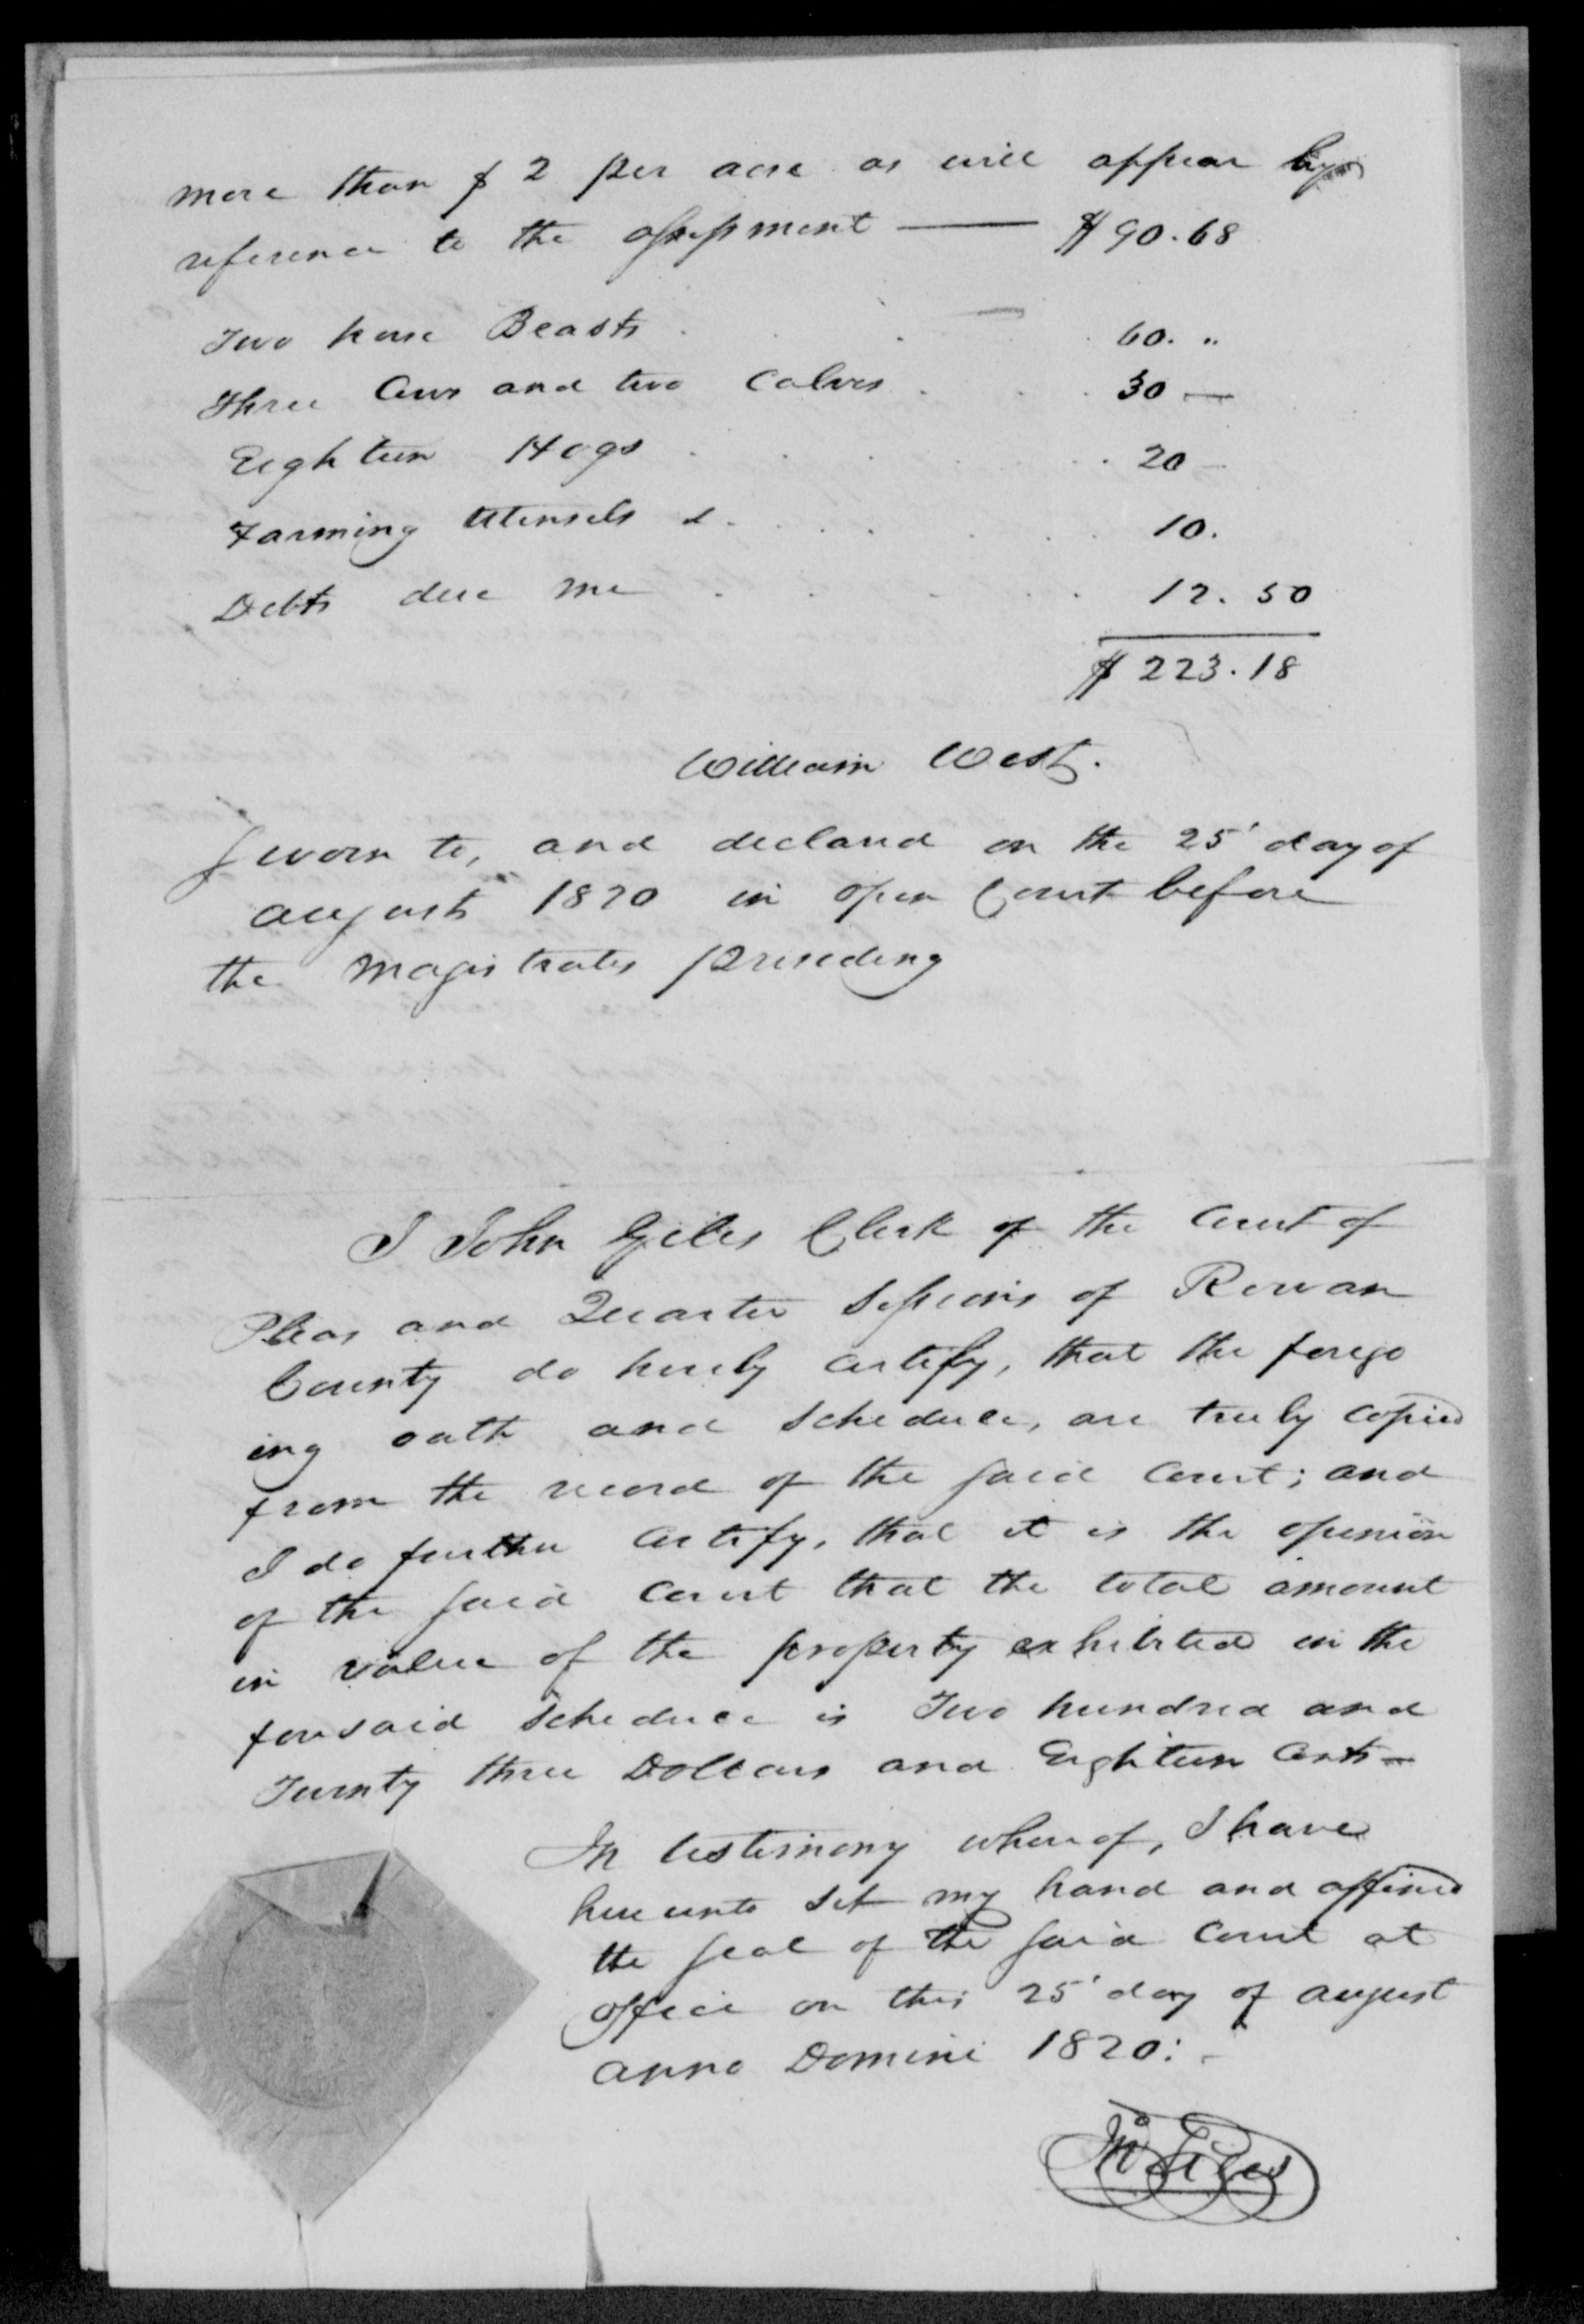more than $2 per acre as will appear by
reference to the assessment - $90.68
Two have Beasts - 60 "
three [illegible] and two calves - 30-
Eighteen Hogs - 20-
Farming utensils - 10
Debts due me - 12.50
$223.18
William West
Sworn to and declared on the 25th day of
August 1820 in open Court before
the Magistrates presiding
I John Giles Clerk of the Court of
Pleas and Quarter Sessions of Rowan
County do hereby certify, that the foregoing 
oath and schedule, are truly copied
from the record of the said Court; and
I do further certify, that it is the opinion
of the said Court that the total amount
in value of the property exhibited in the
foresaid schedule is Two hundred and
Twenty three Dollars and Eighteen cents.
In testimony whereof, I have
here unto set my hand and affixed
the seal of the said Court at
Office on this 25th day of August
Anno Domini 1820:
[signature]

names: William West, John Giles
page: 11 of 12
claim: survivor's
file: S. 42060, William West, Md.